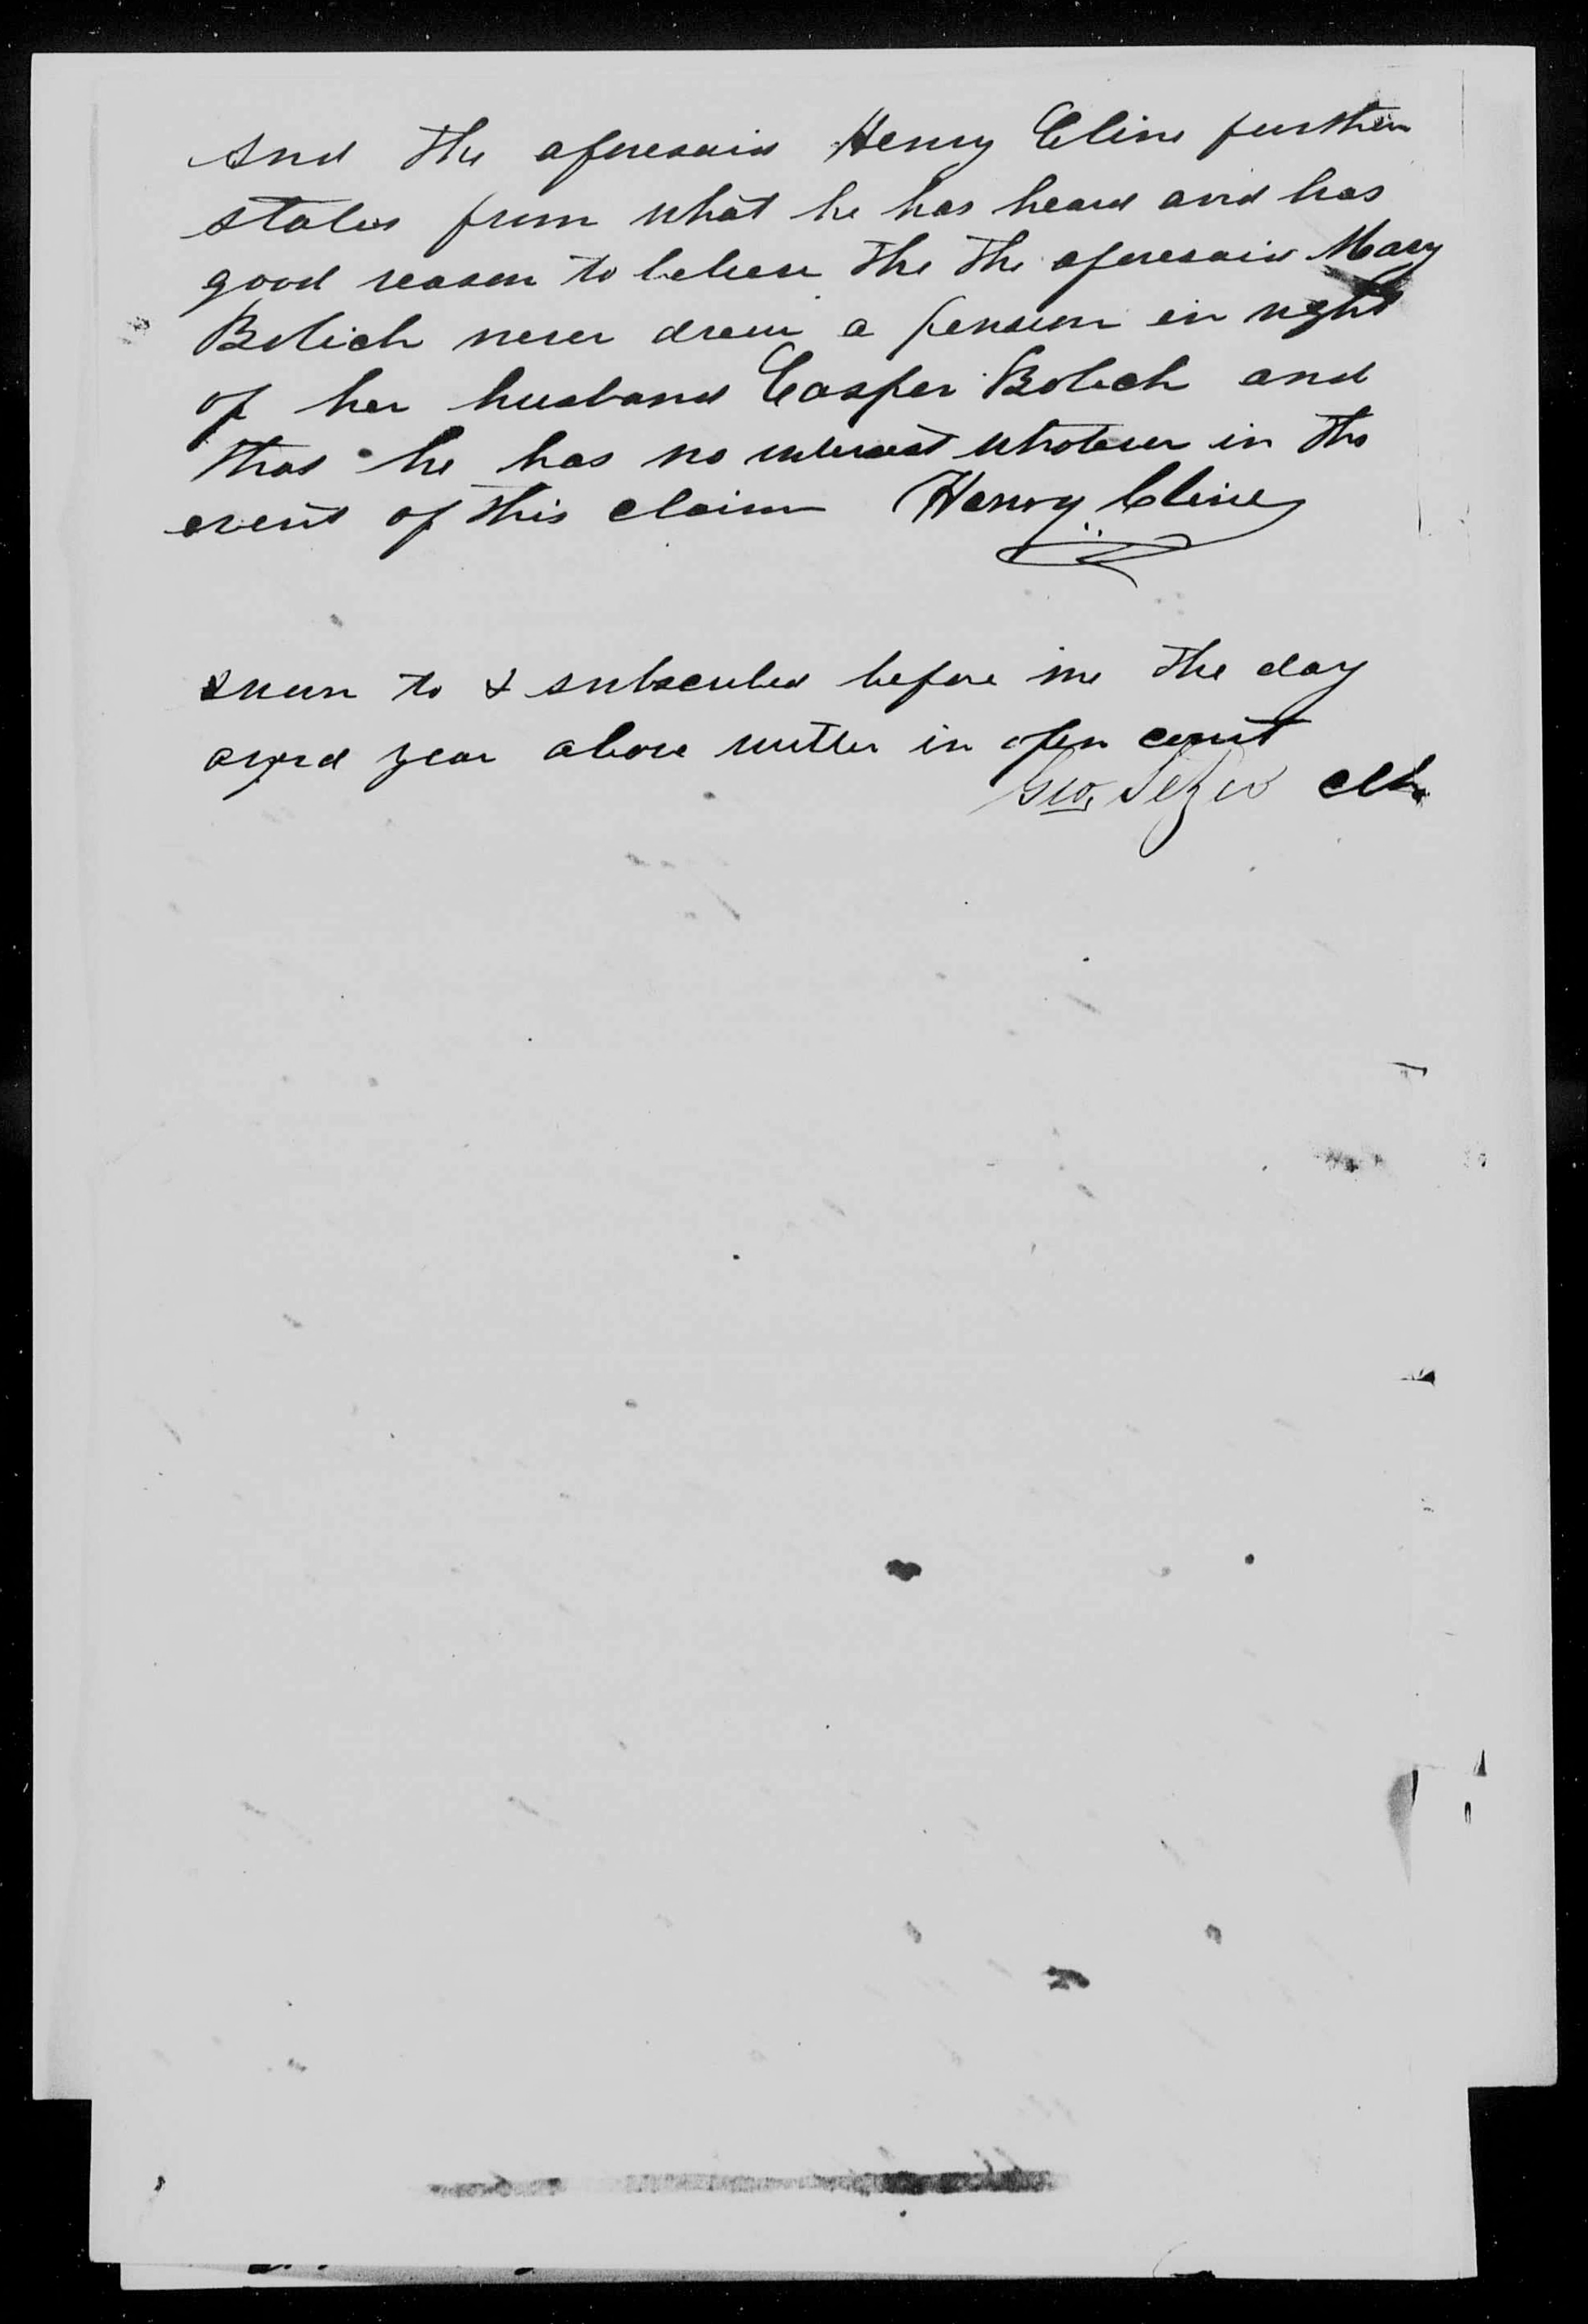And the aforesaid Henry Cline further  states from what he has heard and has good reason to believe the the aforesaid Mar Bolick never drew a pension in right of her husband Casper Bolick and that he has no interest whatever in the event of this claim [Signature] Henry Cline
Sworn to & subscribed before me the day and year above written in open court.
[Signature] Geo. Setzer Clk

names: Casper Bolich, Henry Cline, Mary Bolich, Henry Cline, Geo Setzer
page: 7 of 43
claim: widow's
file: W. 18,566, Casper Bolick, N.C.